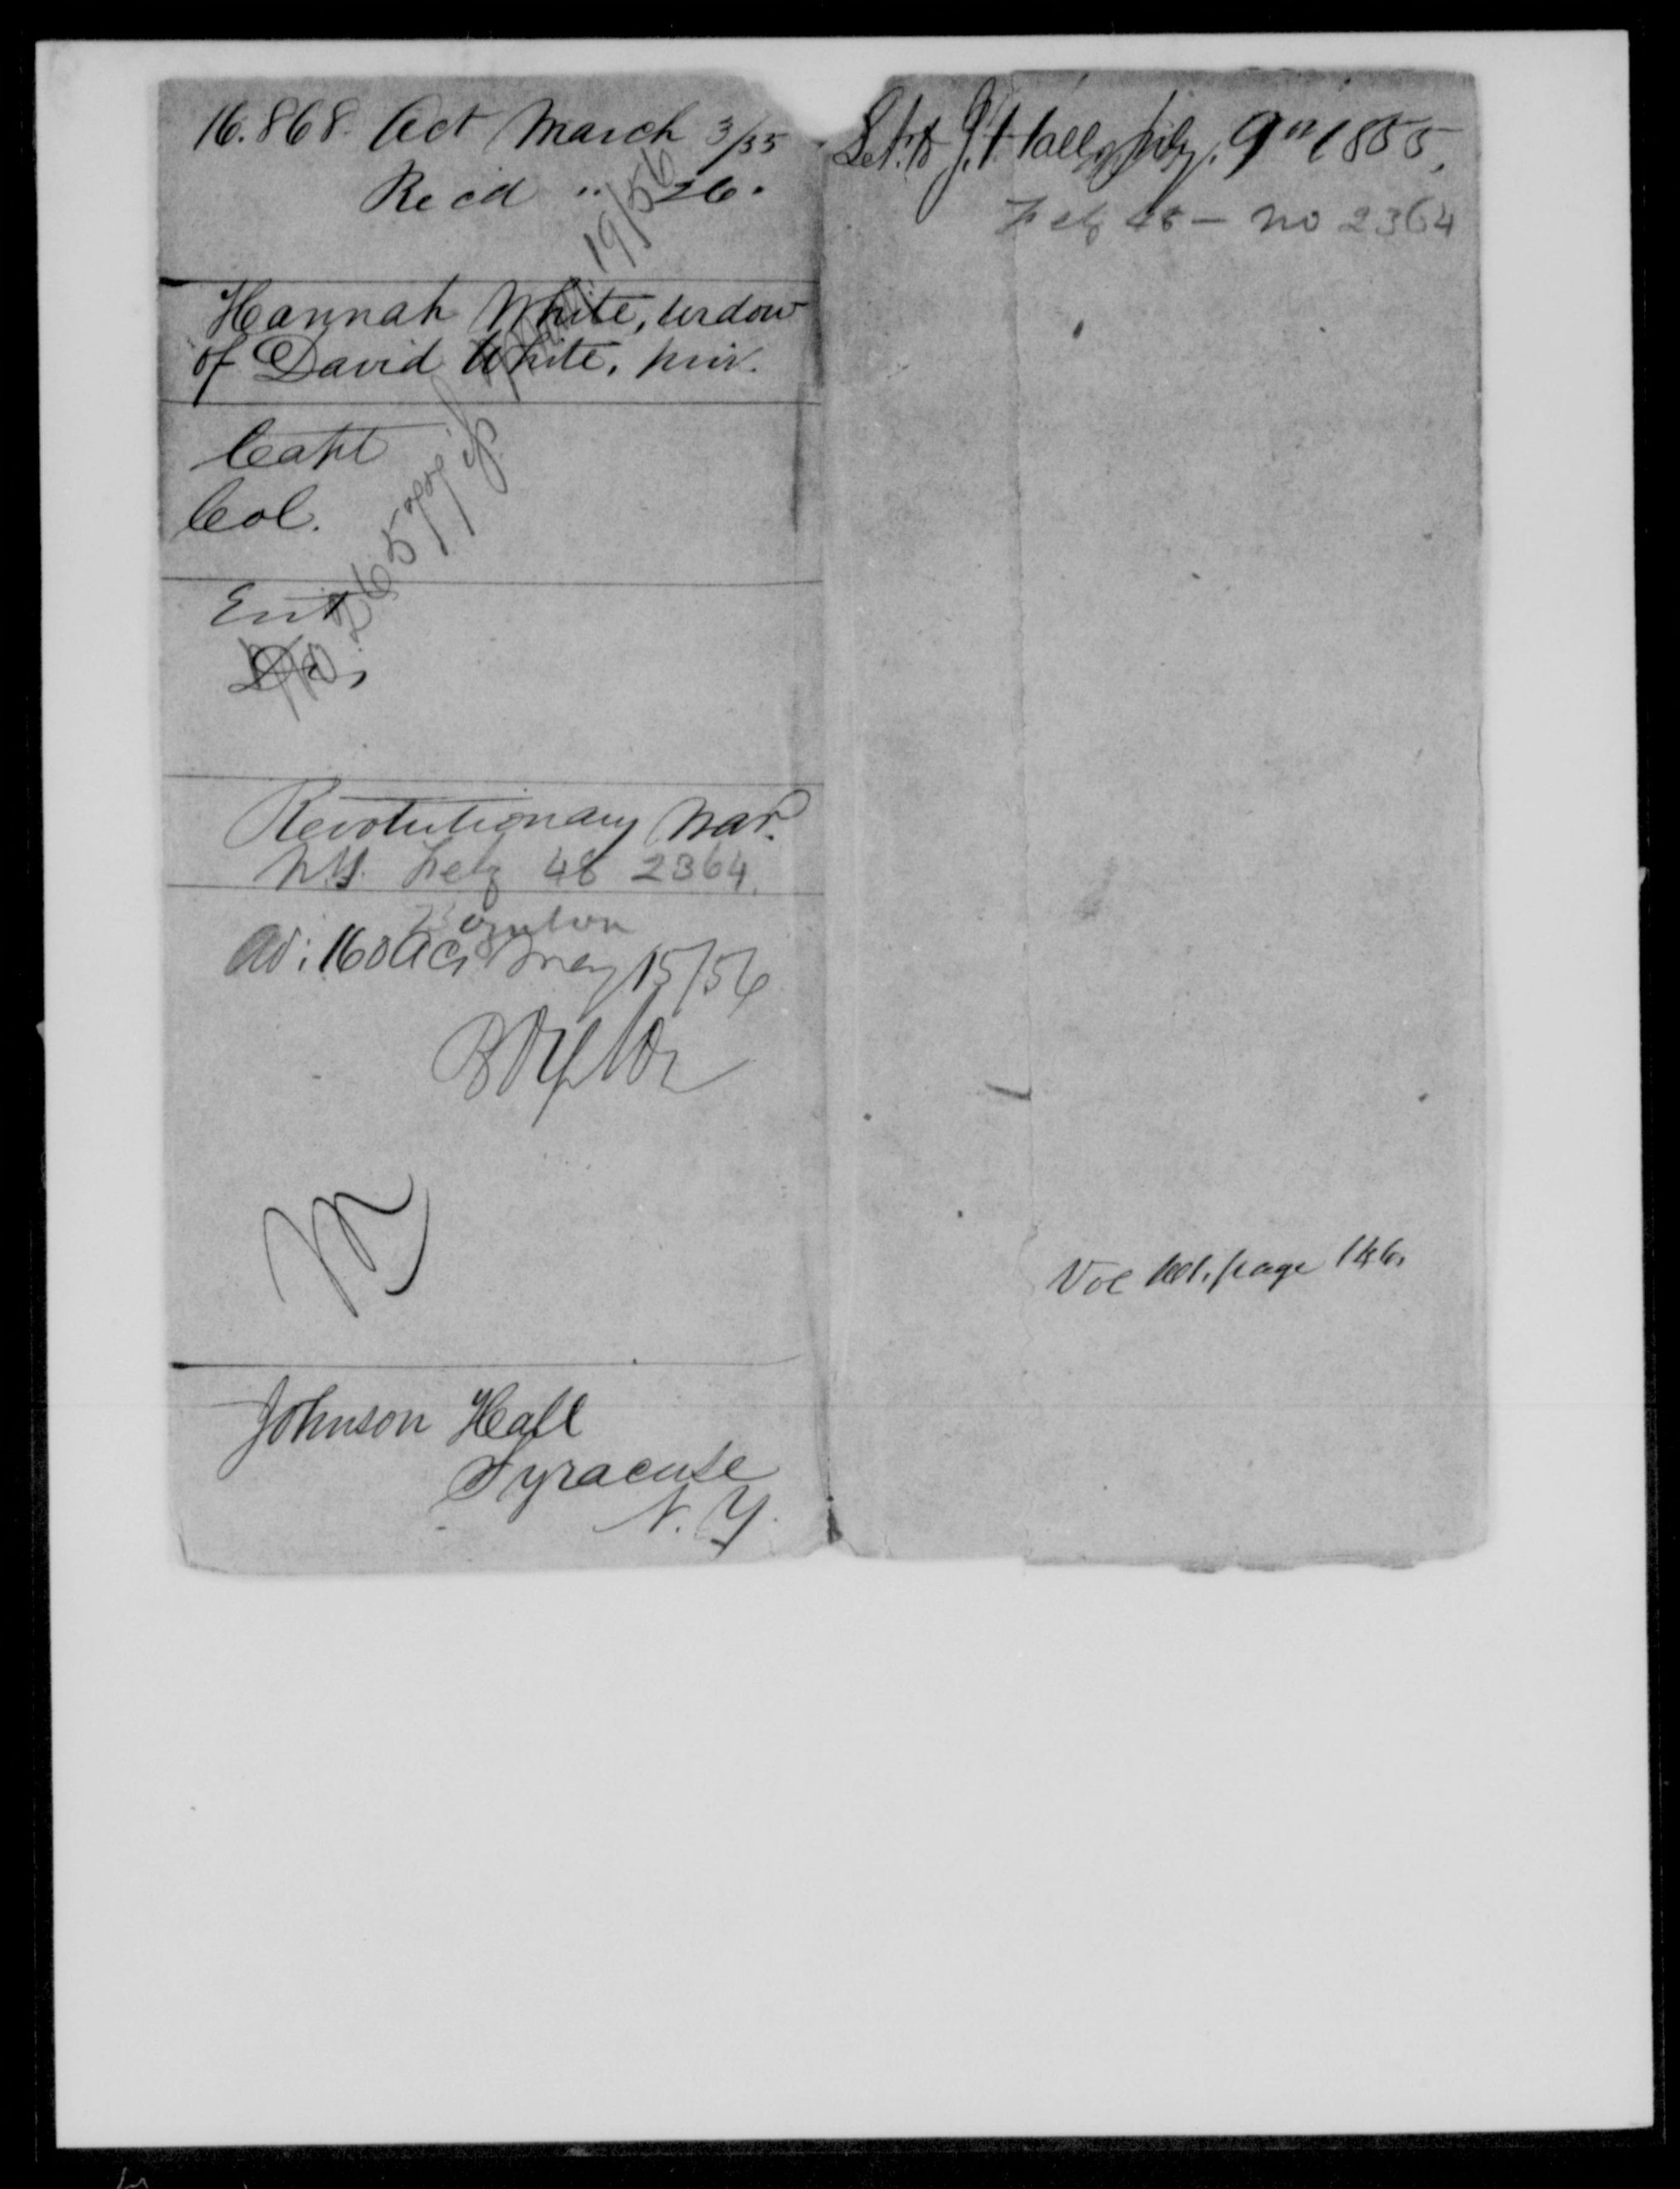left side:
16.868 Act March 3/35
Rec'd ..26
-------------------------
No. 26577ss May 19/56
-------------------------
Hannah White, widow
of David White, priv
------------------------------
Capt
Col
------------------------------------
Ent
Dis 
------------------------------------------
Revolutionary War
N.Y. Feby 48 2364
--------------------------------
Boynton
Ad: 160Acr May 15/56
Boynton
M
---------------------------------------
Johnson Hall
Syracuse  NY

Right side:
Set to J. Hall July 9th 1855.
Feby 48-no 2364

(bottom)  Vol 101 page 146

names: Johnson Hall, J Hall, Boynton, David White, Hannah White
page: 29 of 63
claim: widow's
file: W. 18403, David White, Conn.